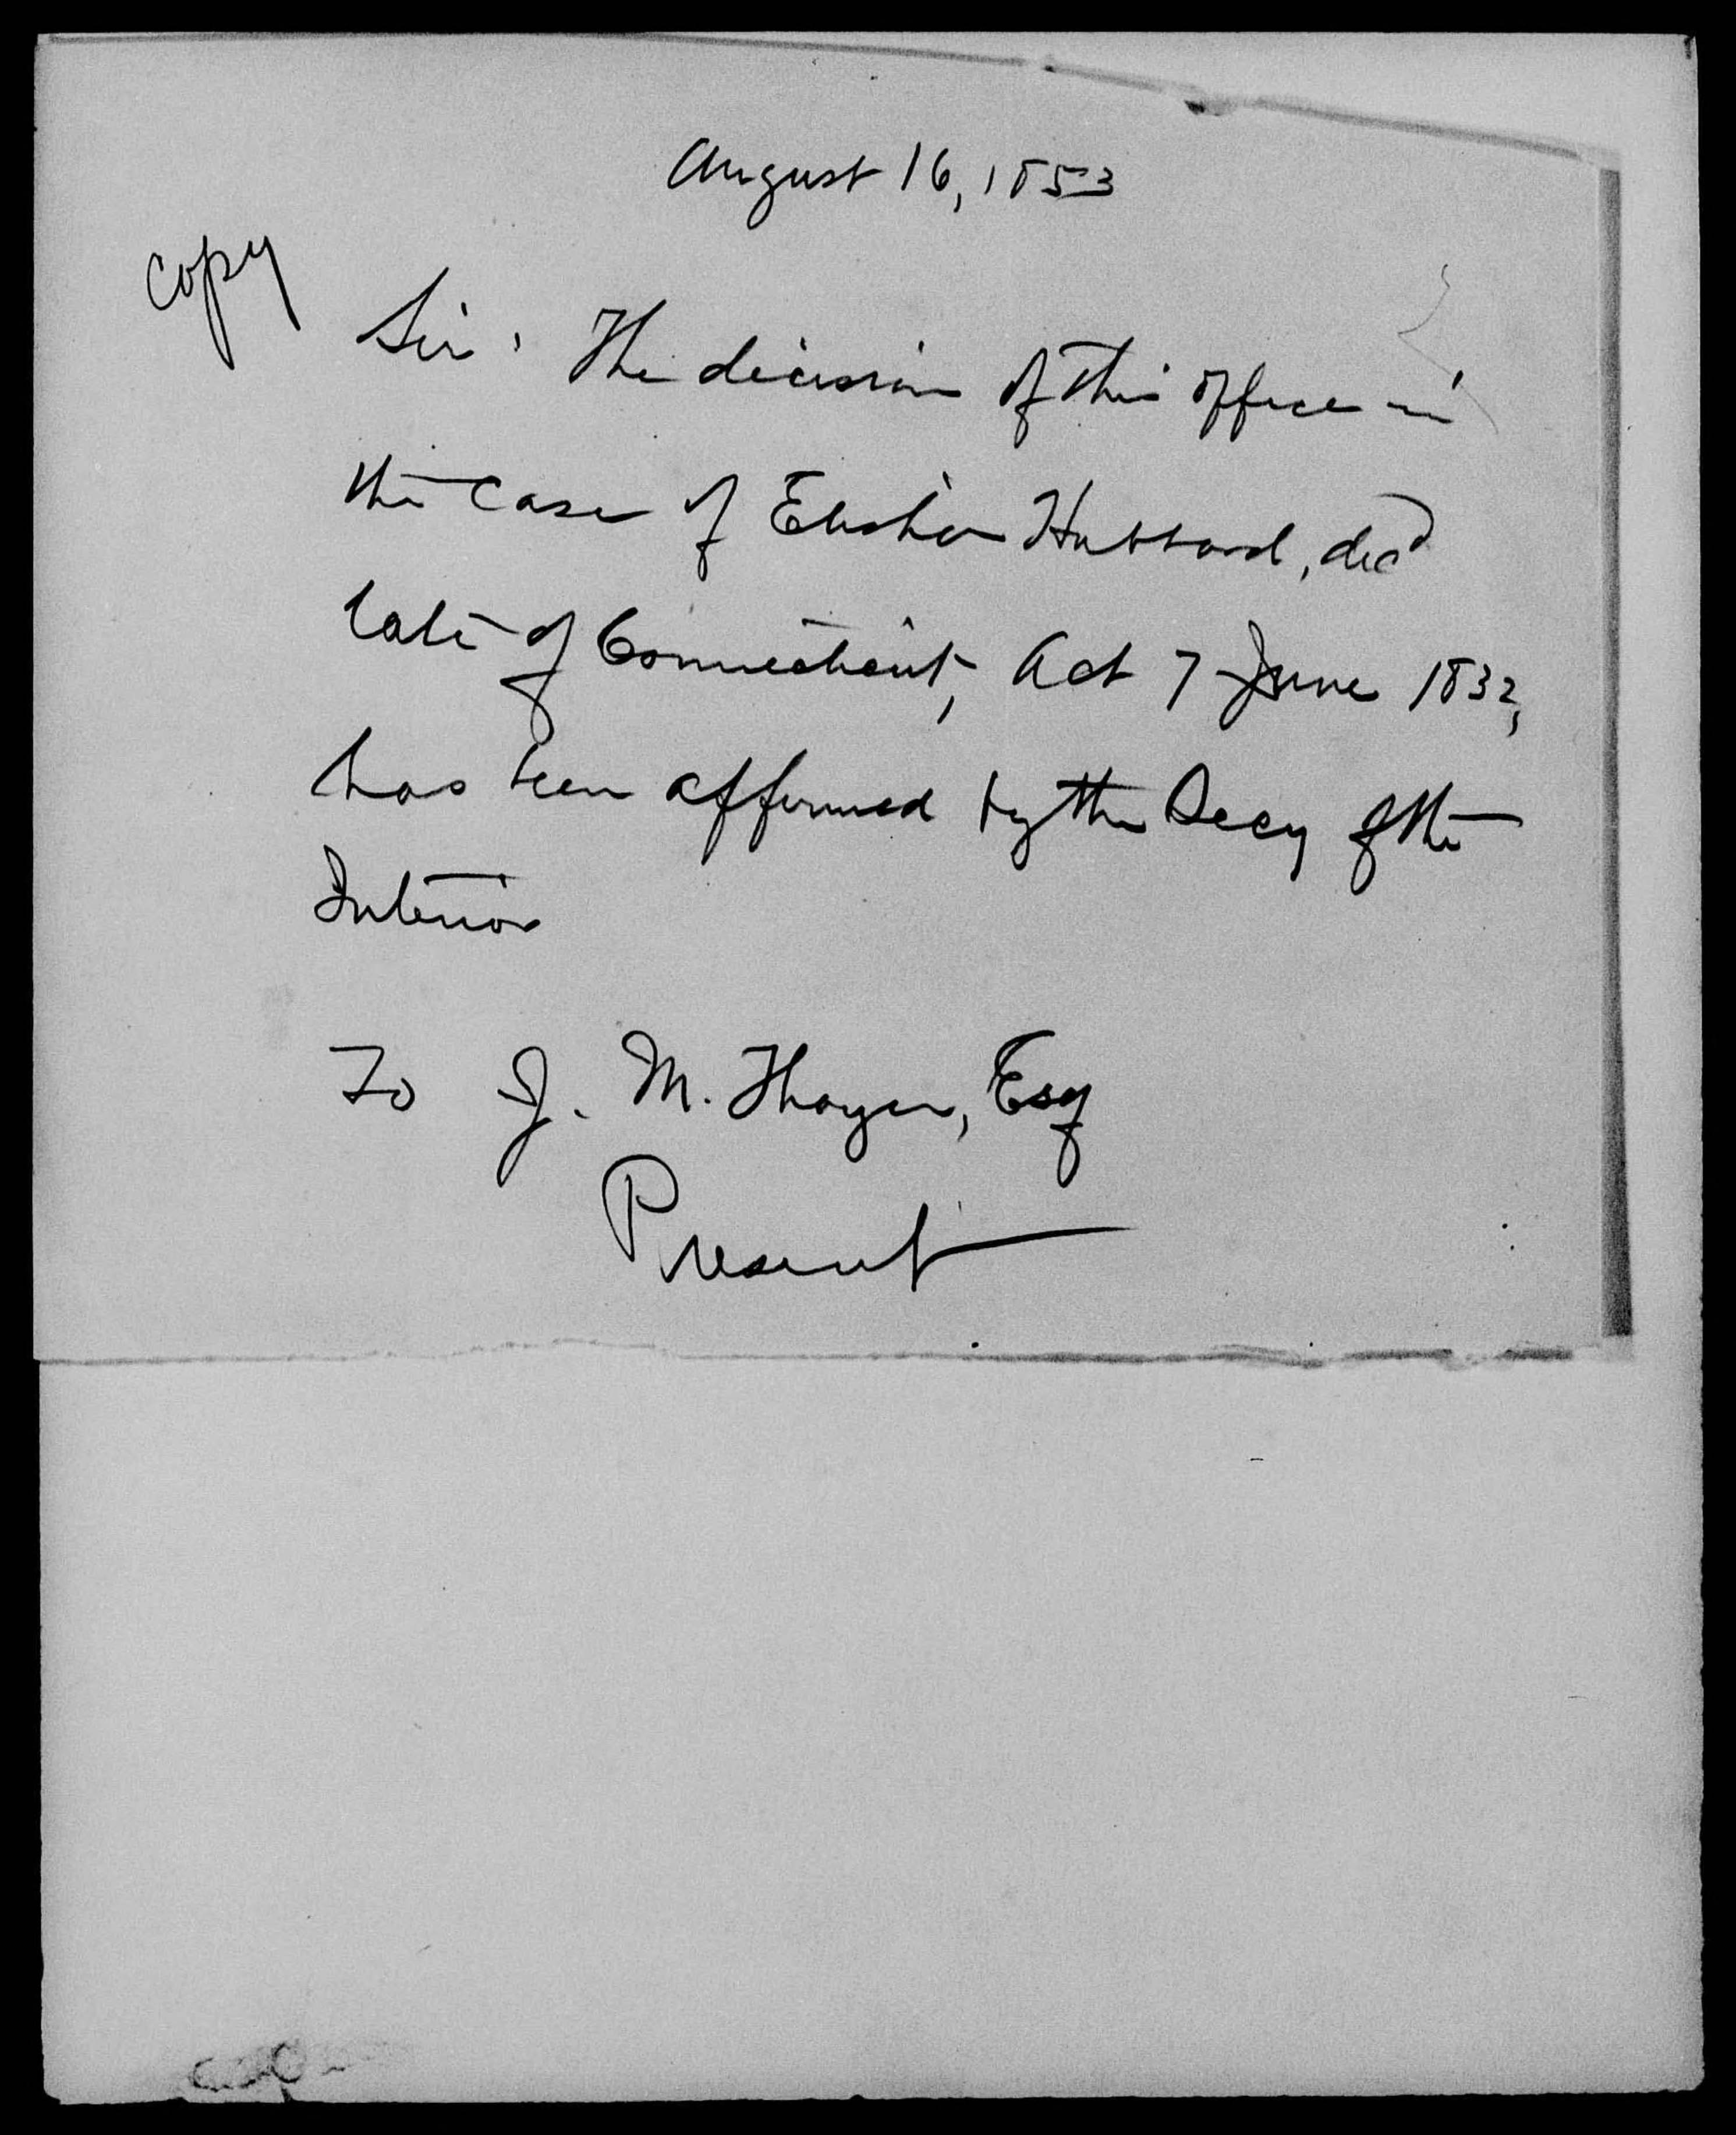August 16, 1853

Copy

Sir. The decision of the office in the case of Elisha Hubbard, dcd State of Connecticut, Act 7 June 1832, has been affirmed by the Secy of the Interior

To J. M. Thayer, Esq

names: J M Thayer, Elisha Hubbard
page: 46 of 63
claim: survivor's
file: S. 18457, Elisha Hubbard, Conn. Continental